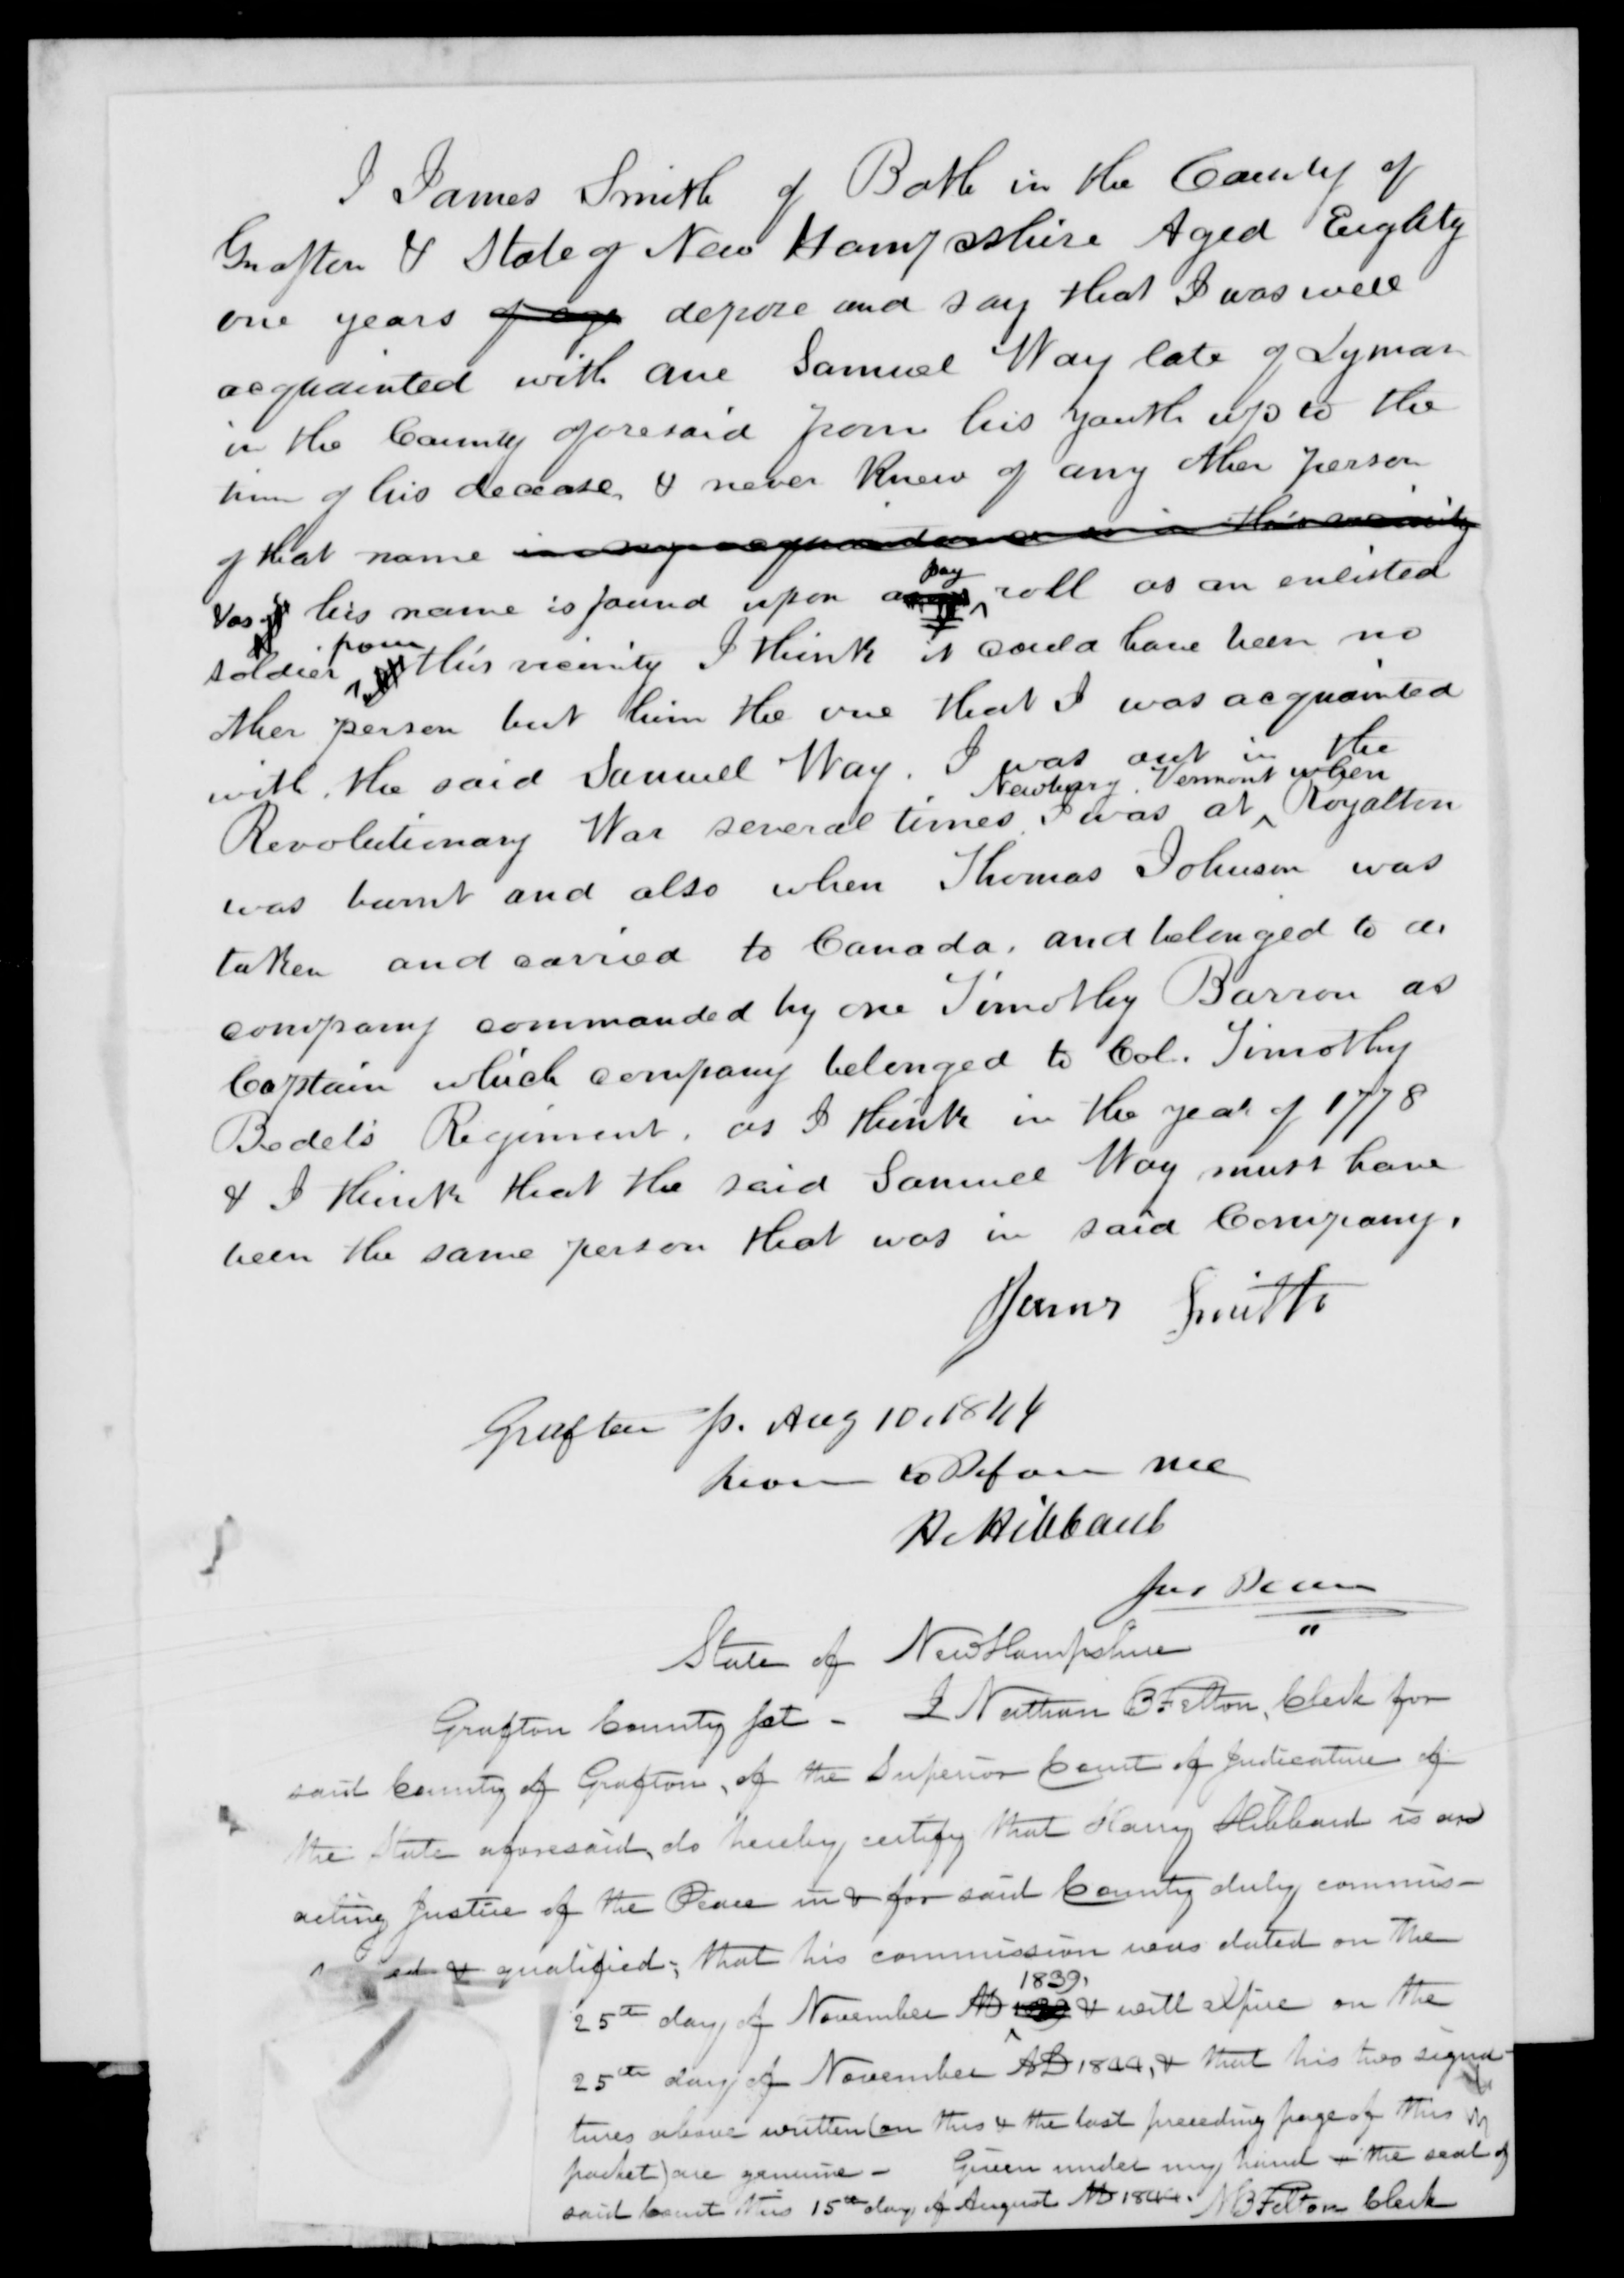I James Smith of Bath in the County of
Grafton & State of New Hampshire Aged Eighty
one years depose and say that I was well
acquainted with one Samuel Way late of Lyman
in the County aforesaid from his youth up to the
time of his decease & never knew of any other person
of that name and as
his name is found upon payroll as an enlisted
soldier from this vicinity I think it could have been no
other person but him the one that I was acquainted with
the said Samuel Way.  I was out in the Revolutionary War several times.  I was at Newbury, Vermont when Royalton
was burnt and also when Thomas Johnson was
taken and carried to Canada, and belonged to a
company commanded by one Timothy Barron as
Captain which company belonged to Col. Timothy
Bedels' Regiment, as I think in the year of 1778
& I think that the said Samuel Way must have
been the same person that was in said Company,
James Smith
Grafton ss. Aug 10, 1844
[unintelligible]
to before me
H Hibbard
Jus Peace
State of New Hampshire
---
Grafton County Set. I Nathan B Felton, Clerk for
said County of Grafton of the Superior Court of Judicature of
the State aforesaid do hereby certify that Harry Hibbard is an
acting Justice of the Peace in & for said County duly commissioned &
qualified; that his commission was dated on the
25th day of November 1839 & will expire on the
25th day of November AD 1844, & that his two signatures above written (on this & the last preceding page of this
packet) are genuine-
Given under my hand-- the seal of
said Court this 15th day of August AD 1844. N B Felton Clerk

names: H Hibbard, Henry Hibbard, Thomas Johnson, Nathan B Felton, Samuel Way, James Smith, Timothy Barron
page: 32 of 78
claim: widow's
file: W. 25856, Samuel Way, N.H.